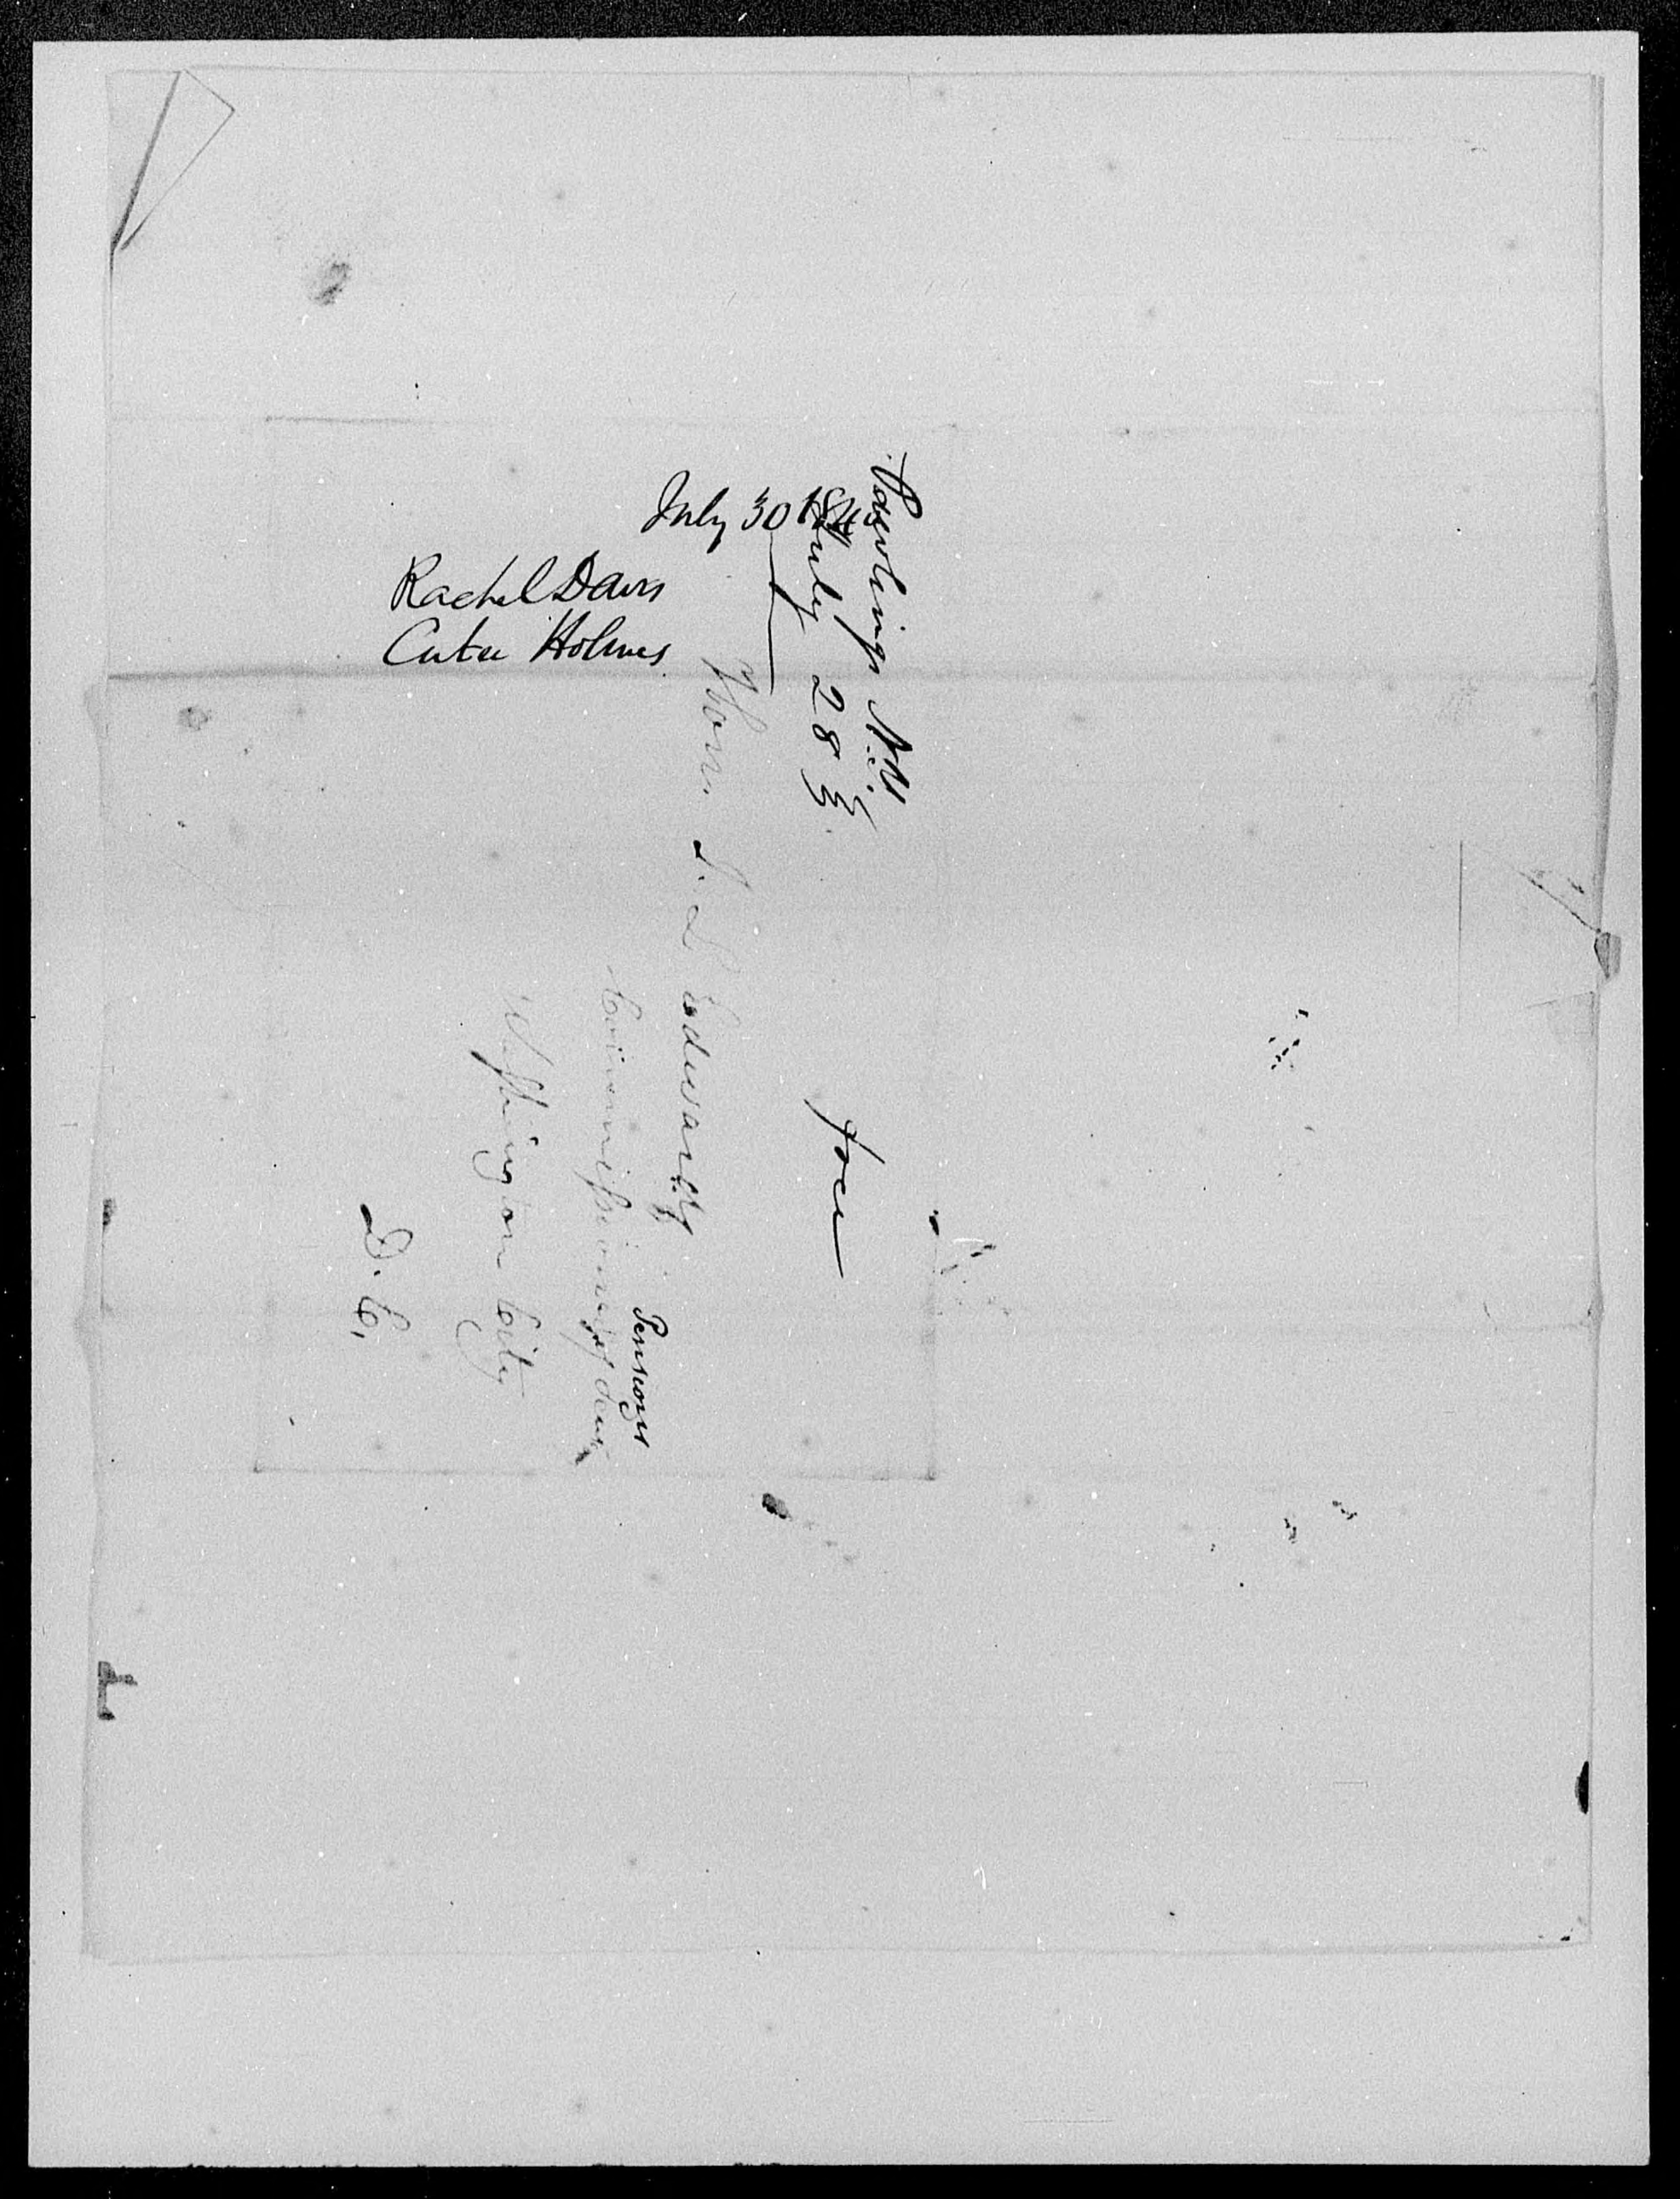Note:  Document appears to be an envelope

Pawlings N. Y.
July 

free

Hon. J. L. Edwards
Commissioner Pensions
Washington City
D. C.

Writing on side:

July 30 1840
Rachel Davis
Cutee Holmes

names: Rachel Davis, Cutee Holmes, J L Edwards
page: 7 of 29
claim: widow's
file: W. 17720, Arnold Dickens, New York